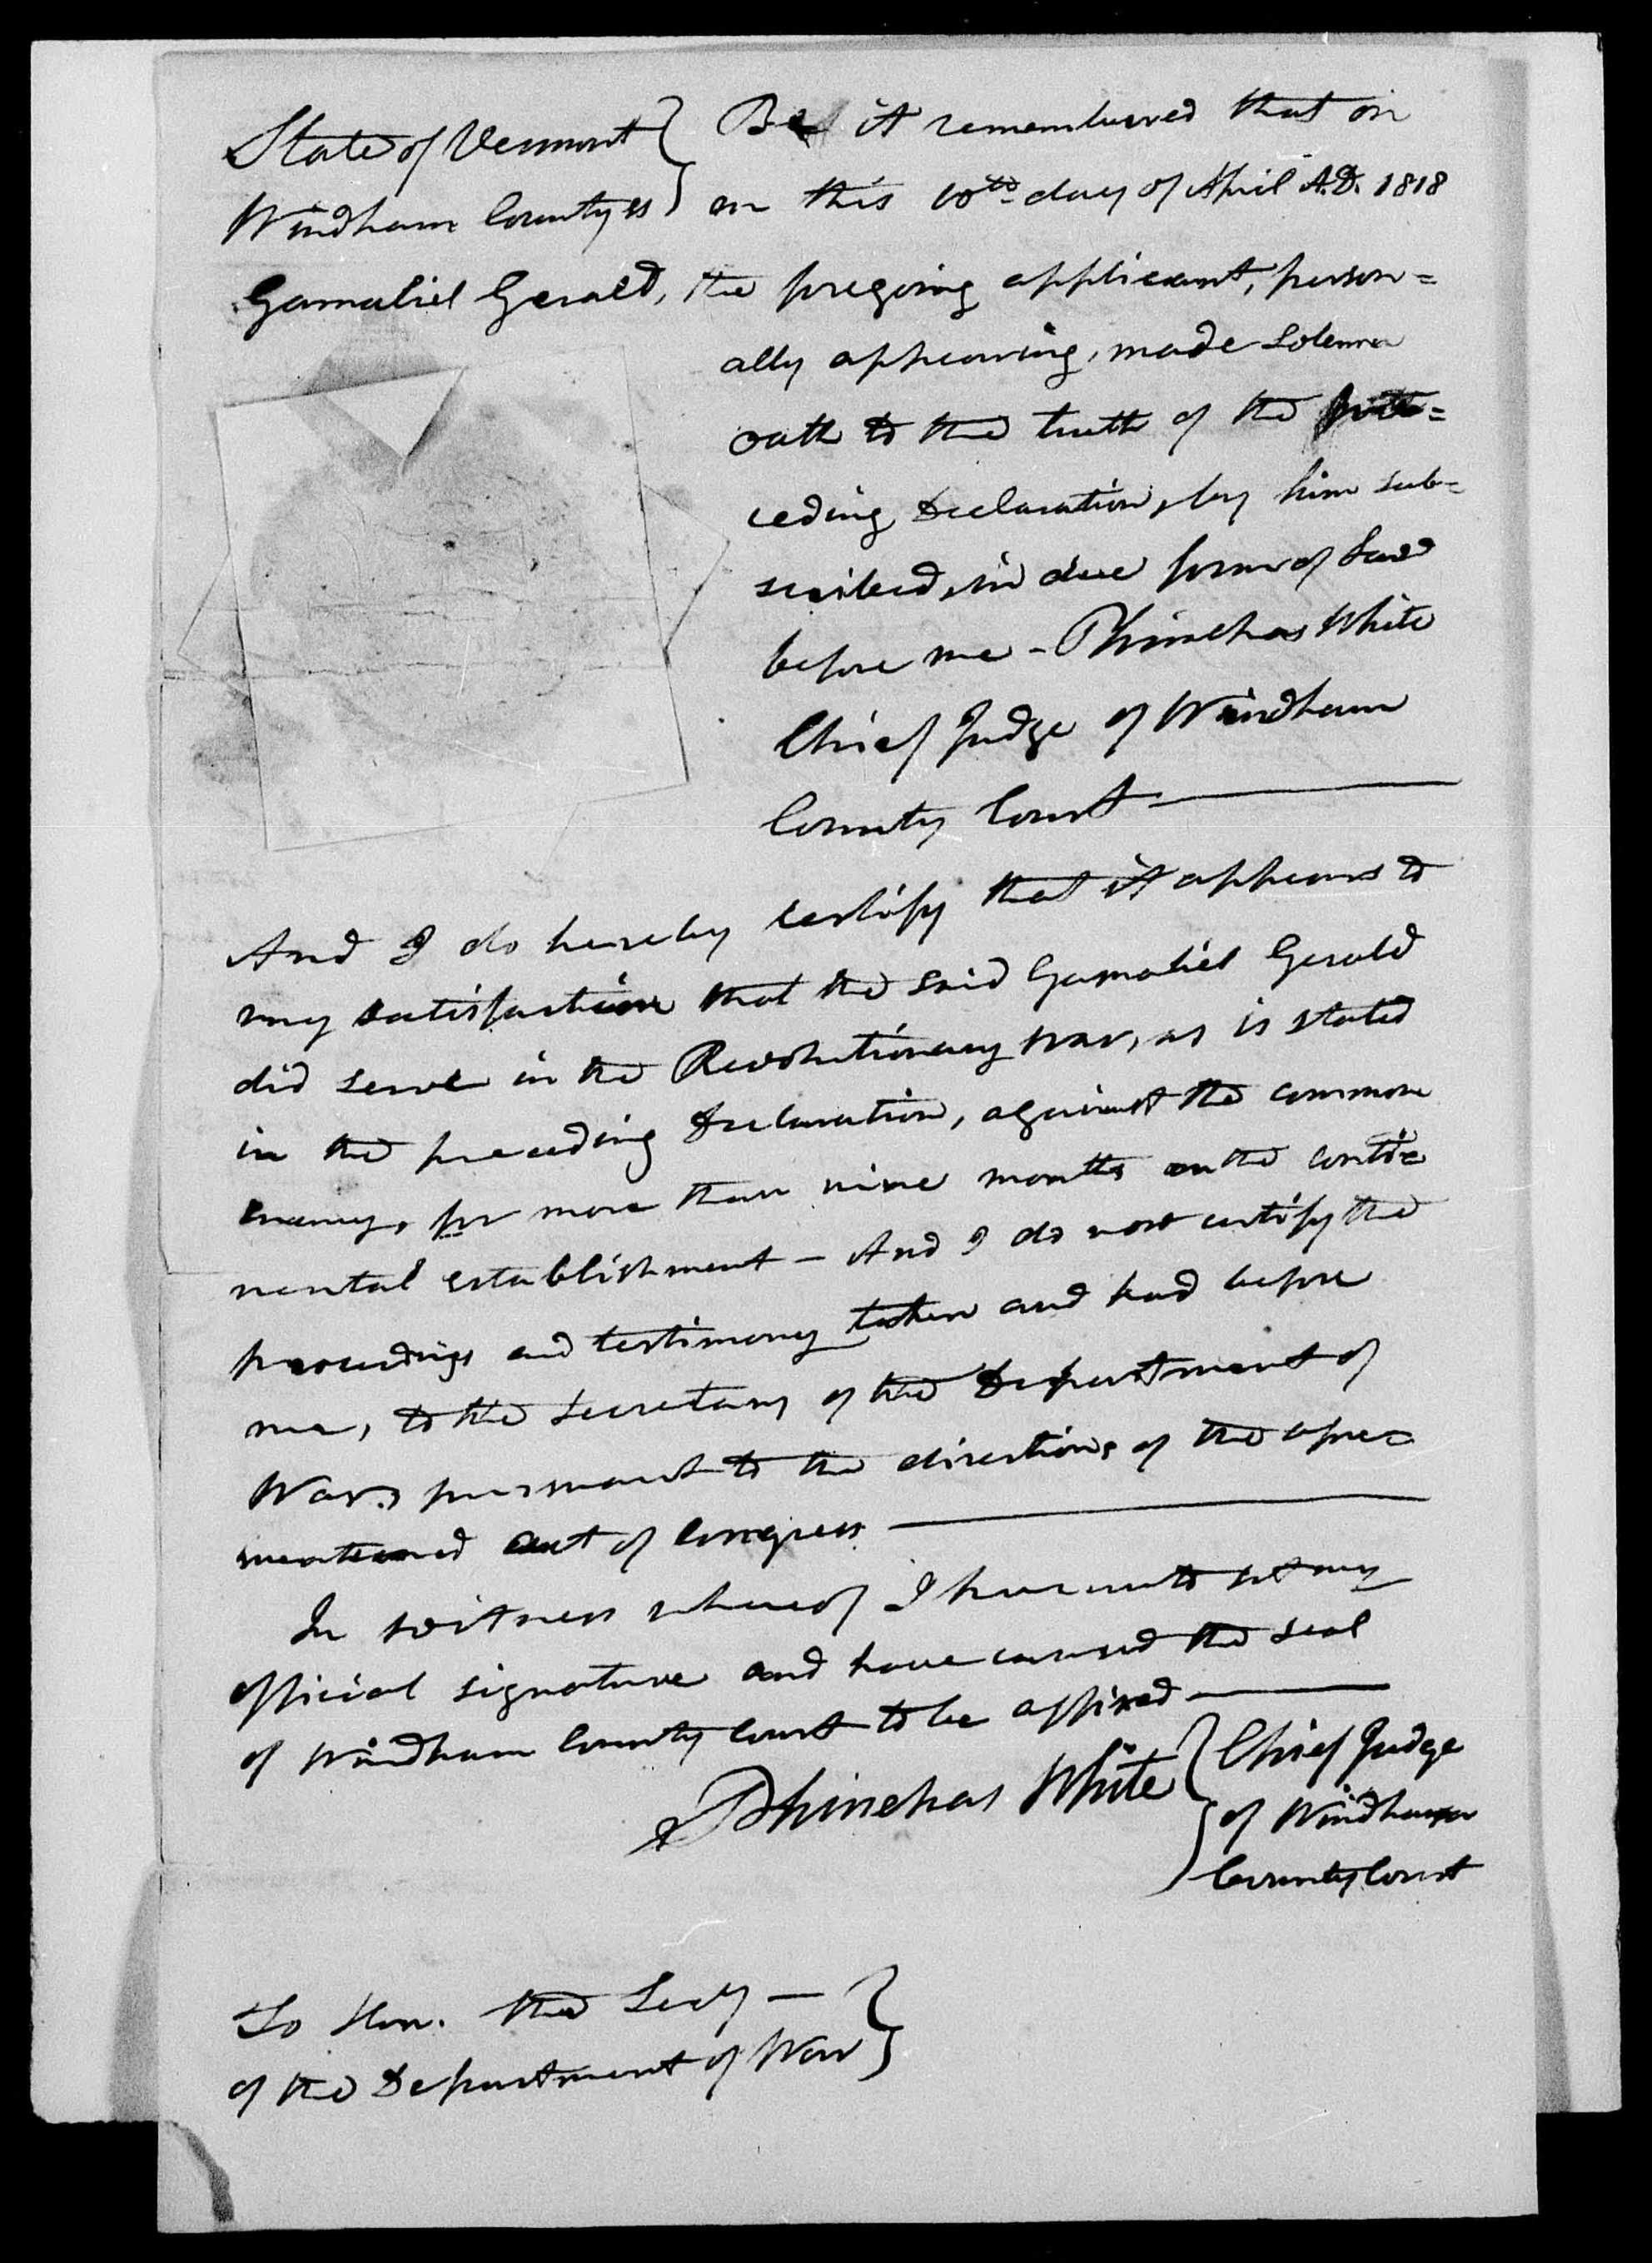State of Vermont
Windham County ss}
Be it remembered that on this 10th day of April A.D. 1818 Gamaliel Gerald, the foregoing applicant, personally appearing, made solemn oath to the truth of the preceding declaration by him subscribed in due form of same before me - 

Phinehas White, (signature) Chief Judge of Windham County Court __

[seal]
And I do hereby certify that it appears to my satisfaction that the said Gamaliel Gerald did serve in the Revolutionary War, as is stated in the preceding proclamation, against the common enemy for more than nine months on the continental establishment -- And I do now certify that proceedings and testimony taken and had before me, to the Secretary of the Department of Wars pursuant to the directions of the aforementioned Act of Congress --

In witness whereof I hereunto o set my official signature and have caused the seal of Windham County Court to be affixed --
Phinehas White (signature)
Chief Judge of Windham County Court

To Hon. Thos Levy - 
of the Department of War}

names: Phinehas White, Phinehas White, Gamaliel Gerald, Gamaliel Gerald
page: 12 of 26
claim: widow's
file: W. 25619, Gamaliel Gerald, Mass.